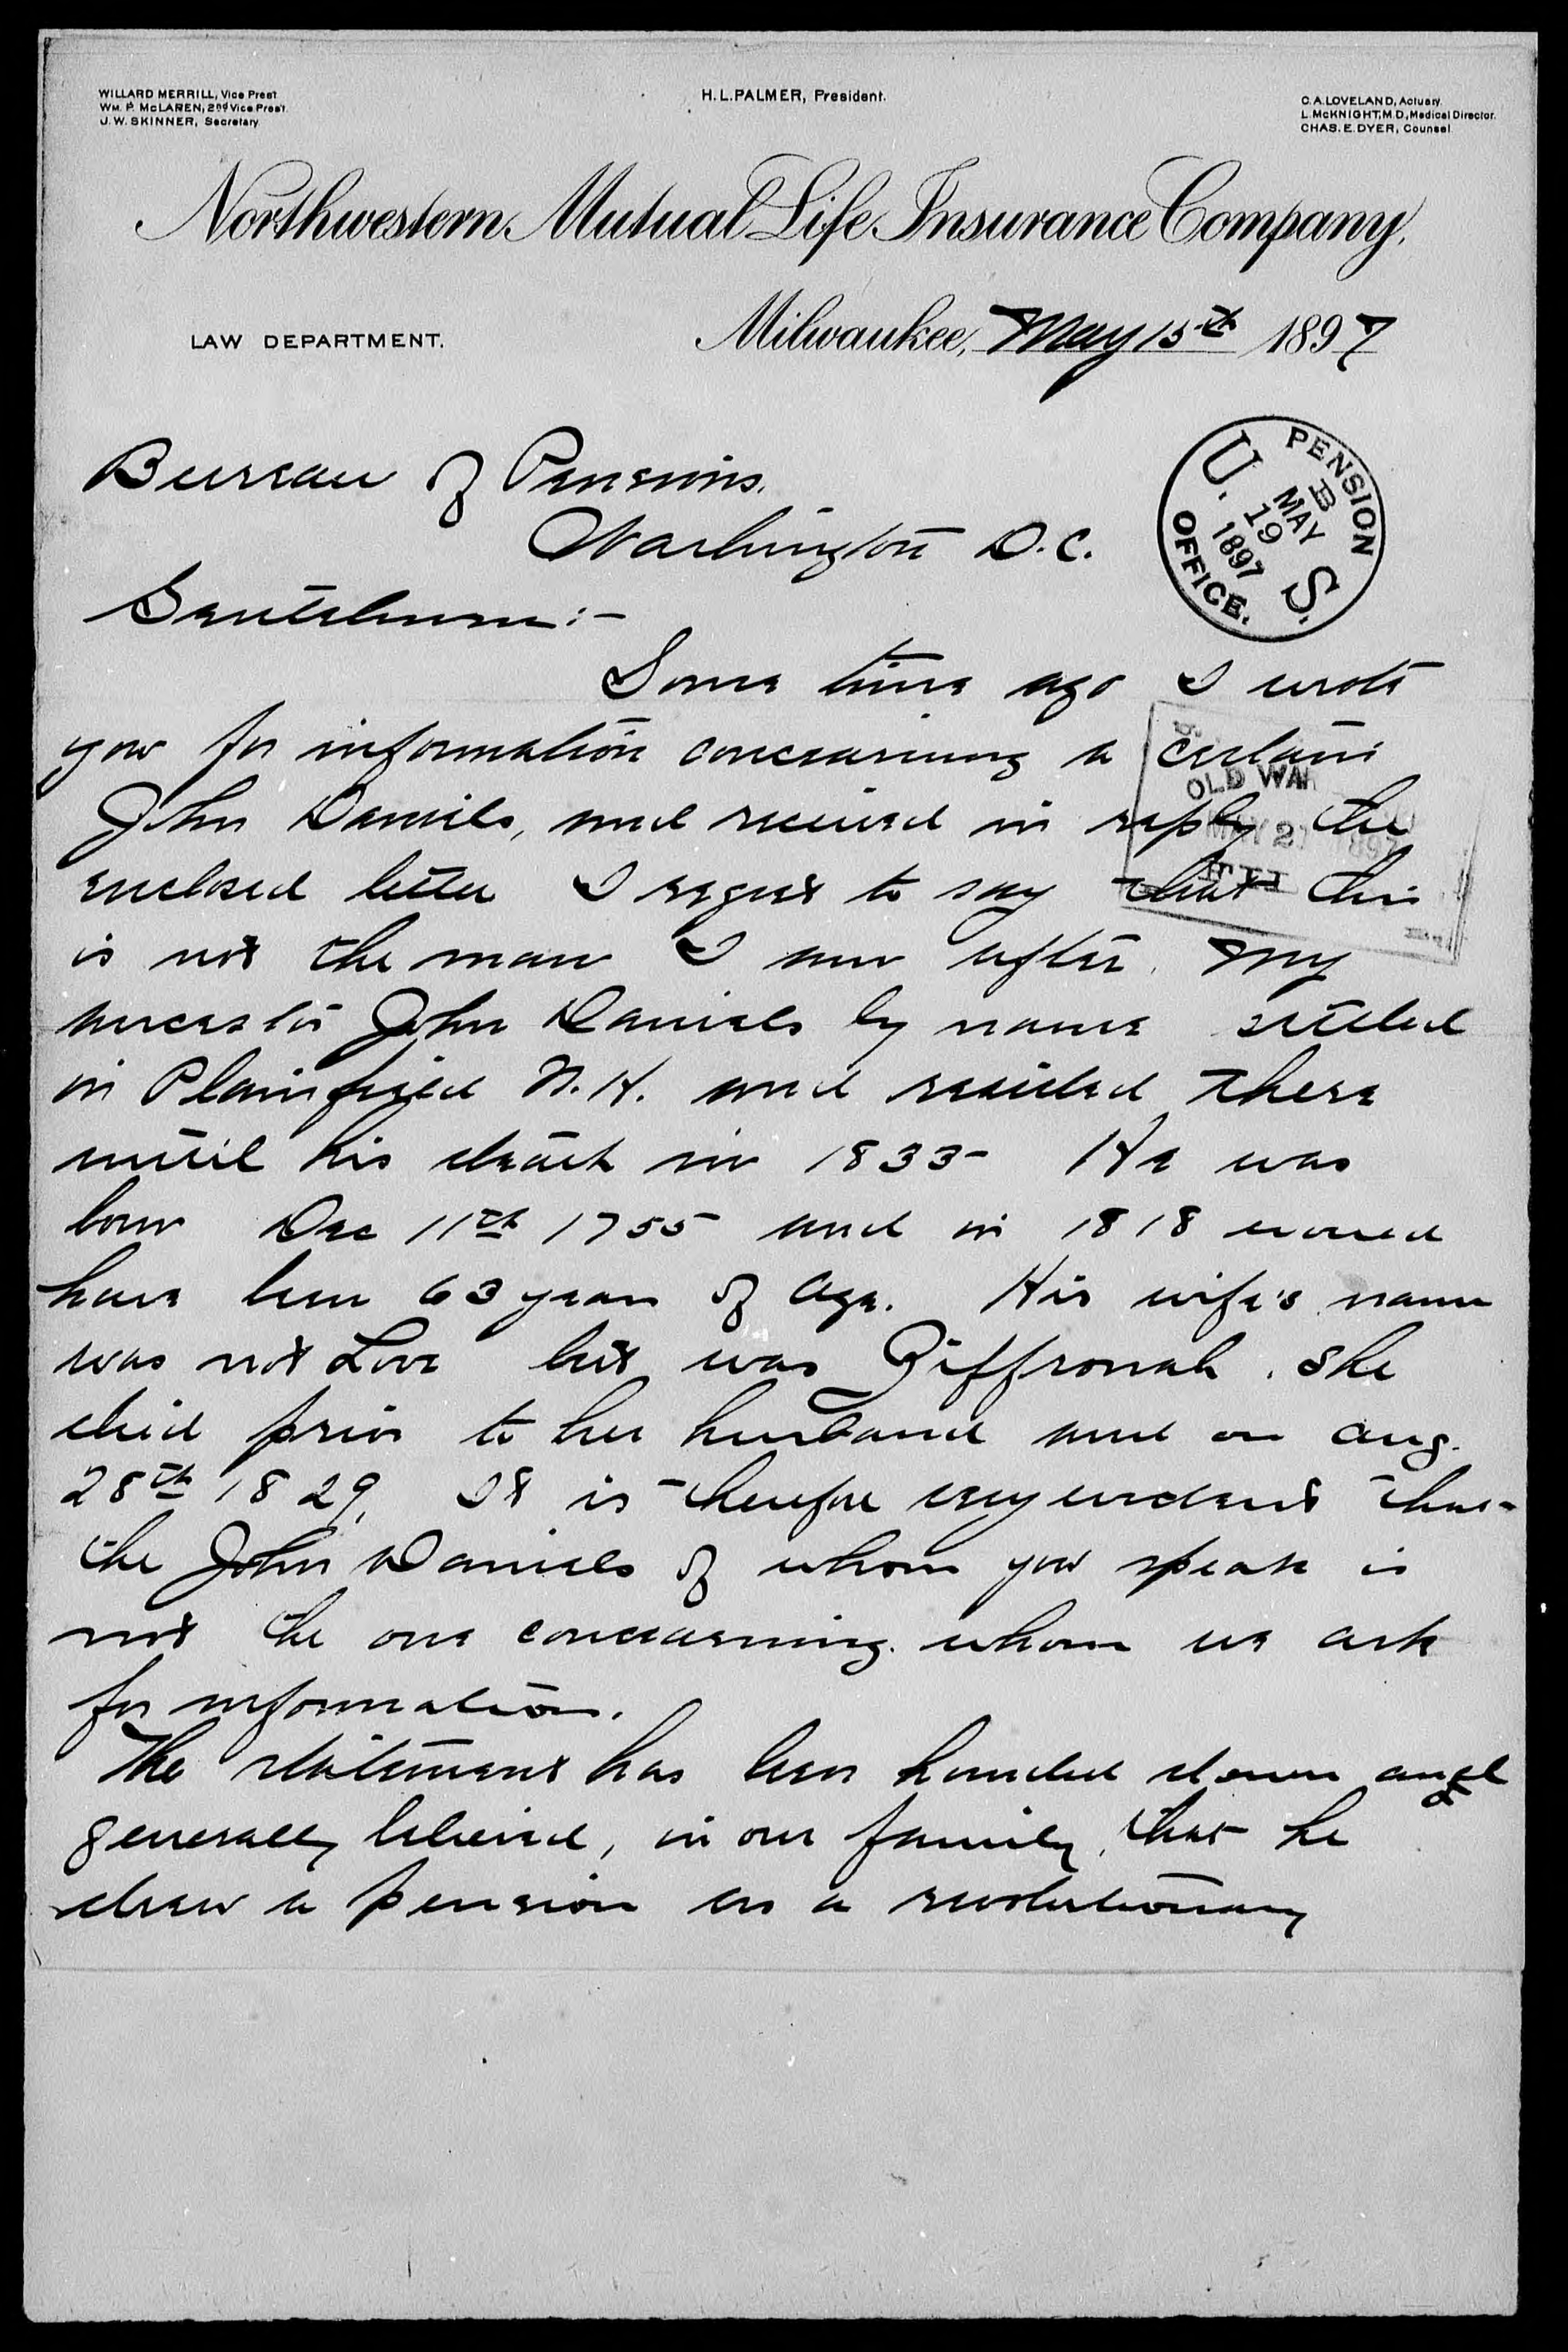WILLARD MERRILL, Vice Pres't.
Wm. P. McLAREN, 2nd Vice Pres't
J. W. SKINNER, Secretary.

H. L. PALMER, President.

C. A. LOVELAND, Actuary
L. McKNIGHT, MD, Medical Director
CHAS. E. DYER, Counsel

Northwestern Mutual Life Insurance Company
Law Department
Milwaukee, May 15th 1897

Bureau of Pensions
Washington D.C.

Gentlemen: - Some time ago I wrote you for information concerning a certain John Daniels, and received in reply the enclosed letter.  I regret to say that this is not the man I am after,  My ancestor John Daniels by name enlisted in Plainfield N. H. and resided there until his death in 1833.  He was born Dec 11th 1755 and in 1818 would have him 63 years of age.  His wife's name was not Love but was Ziffronah.  She died prior to her husband and on Aug. 28th 1829.  It is therefore very evident that the John Daniels of whom you speak is not the one concerning whom [I?] ask[ed] for information.
The statement has been handed down and I generally believed, in our family, that he drew a pension in a revolutionary
[end of page]

[2 stamps]
US PENSION OFFICE MAY 19, 1897
OLD WAR & NAVY FILES  MAY 21 1897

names: L Mc Knight, Wm R Mc Laren, Ziffronah, J W Skinner, Willard Merrill, C A Loveland, John Daniels, Love, H L Palmer, Chas E Dyer, John Daniels, John Daniels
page: 29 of 43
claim: widow's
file: W 683, John Daniels, Continental Mass. N.H.